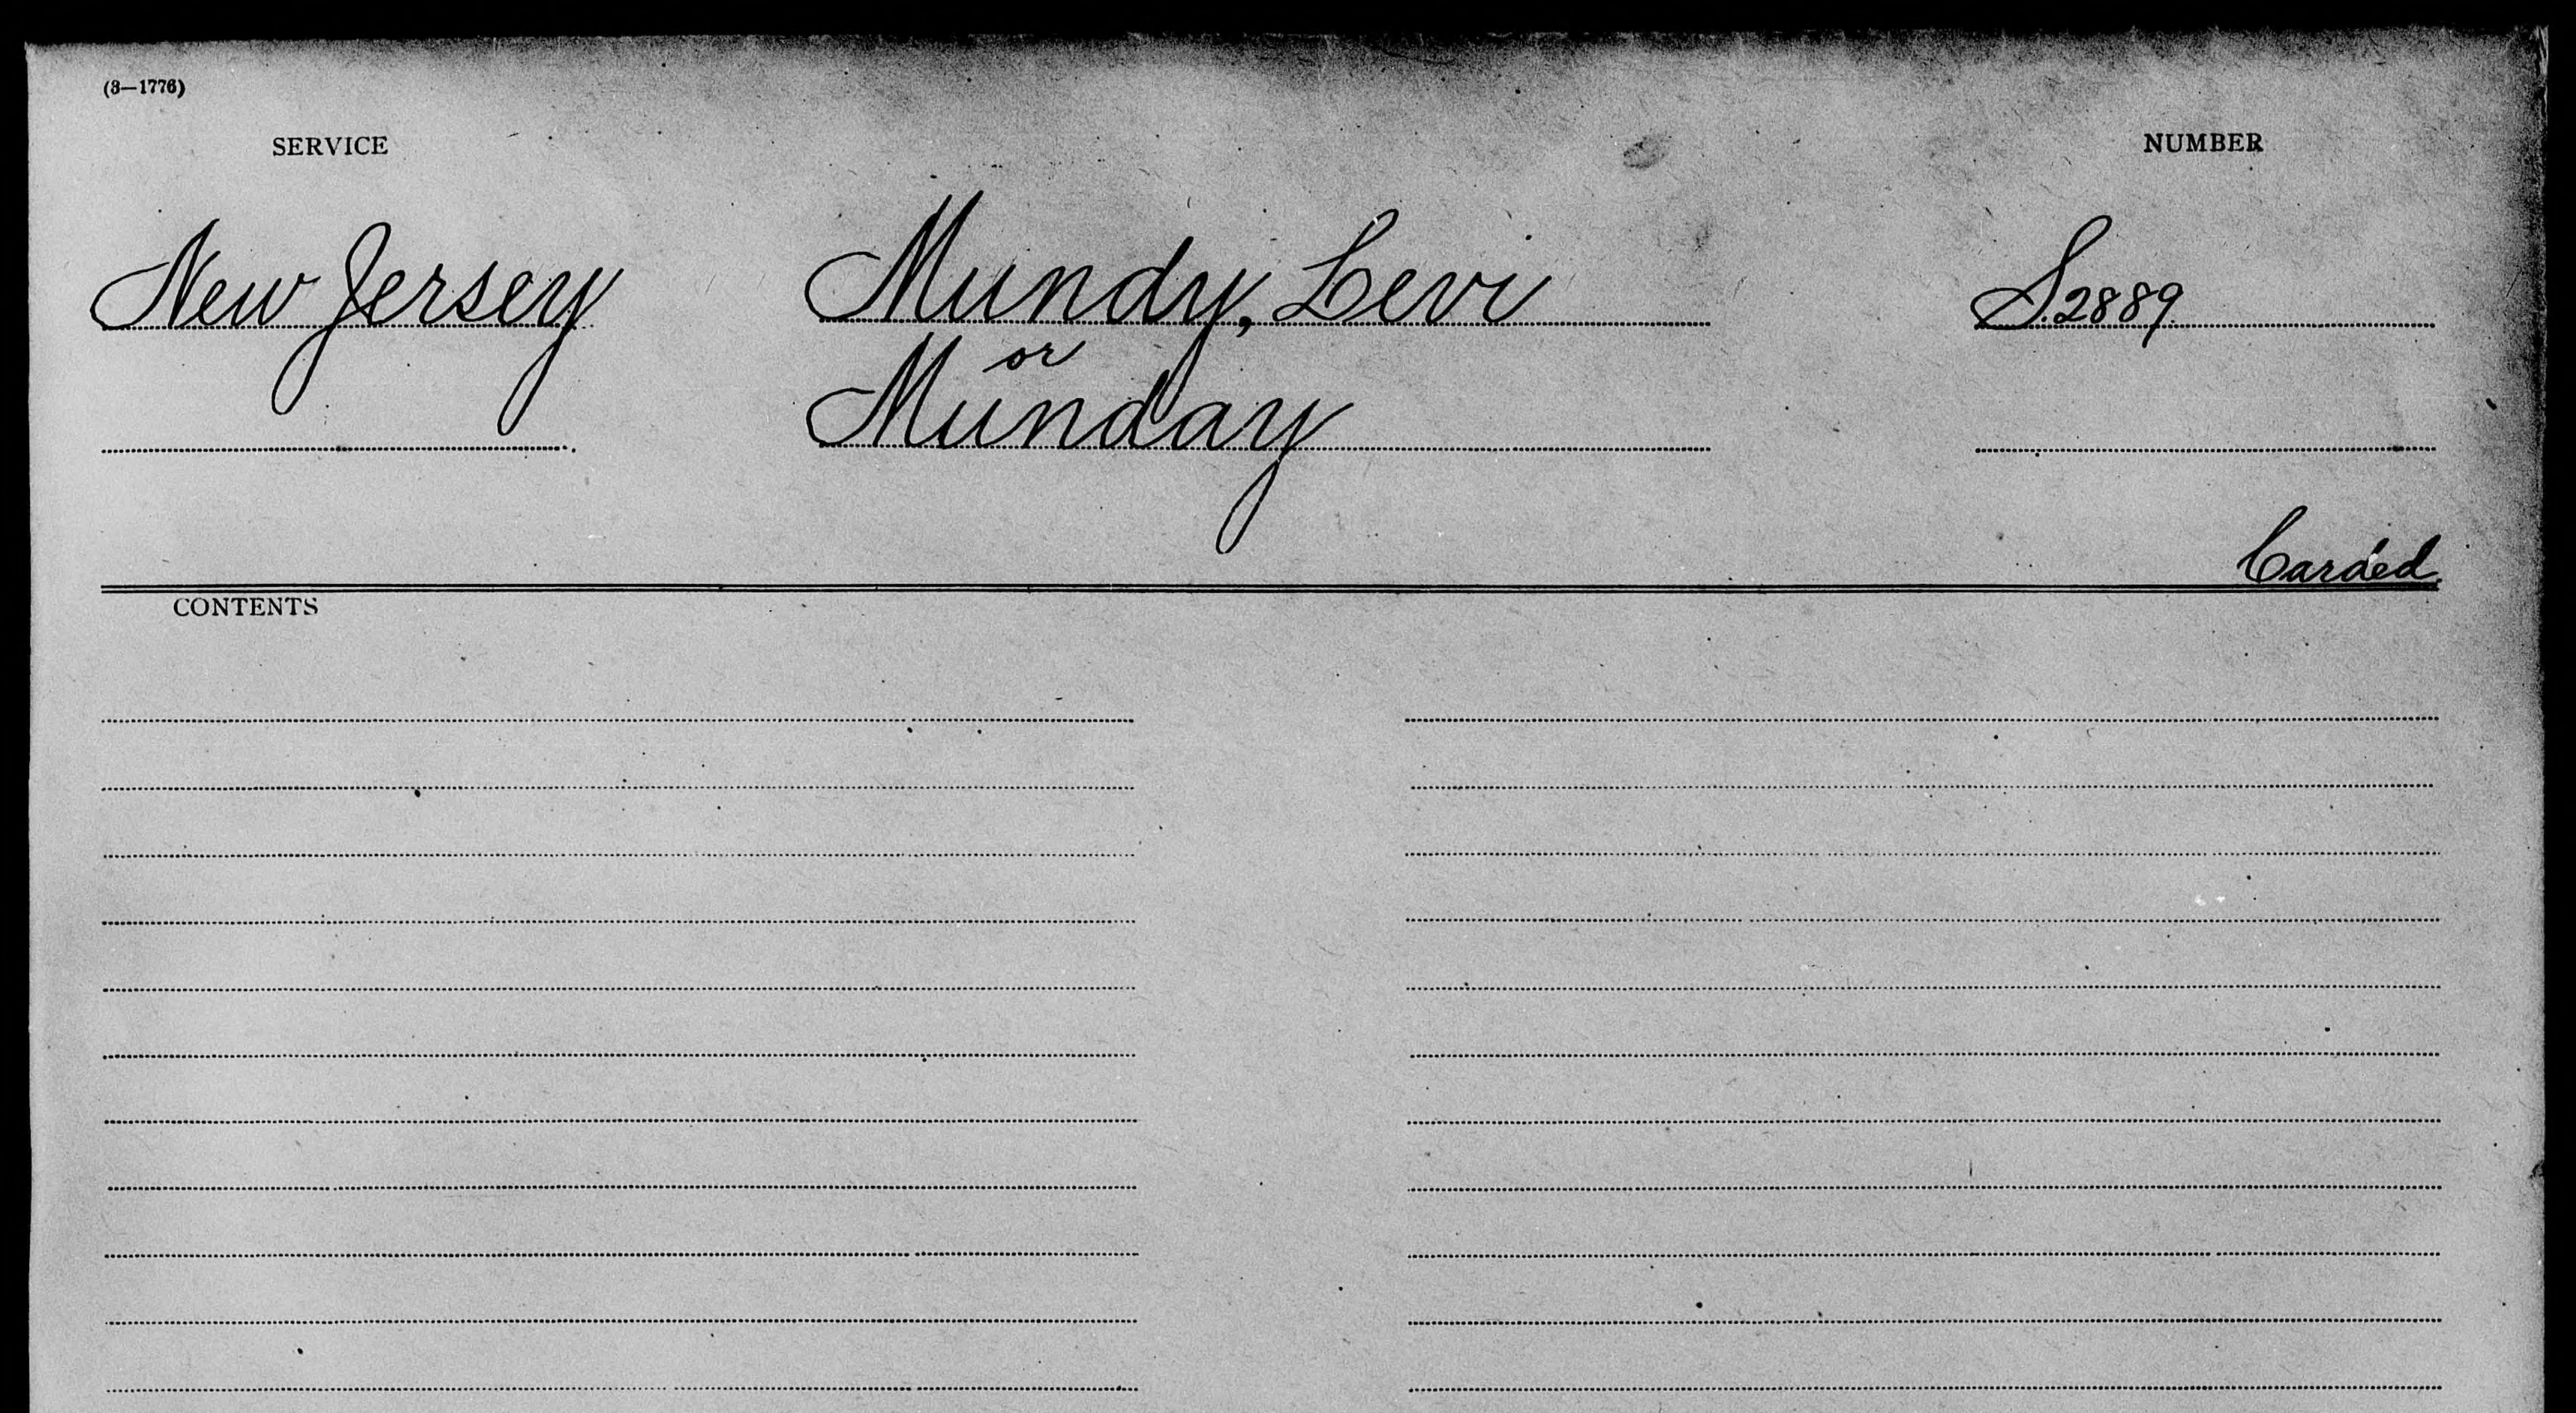(8-1776)

SERVICE | NUMBER
New Jersey | Mundy or Monday, Levi | S.2889

carded
CONTENTS  Loaded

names: Levi Munday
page: 1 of 95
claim: survivor's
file: S 2889, for Levi Mundy, New Jersey